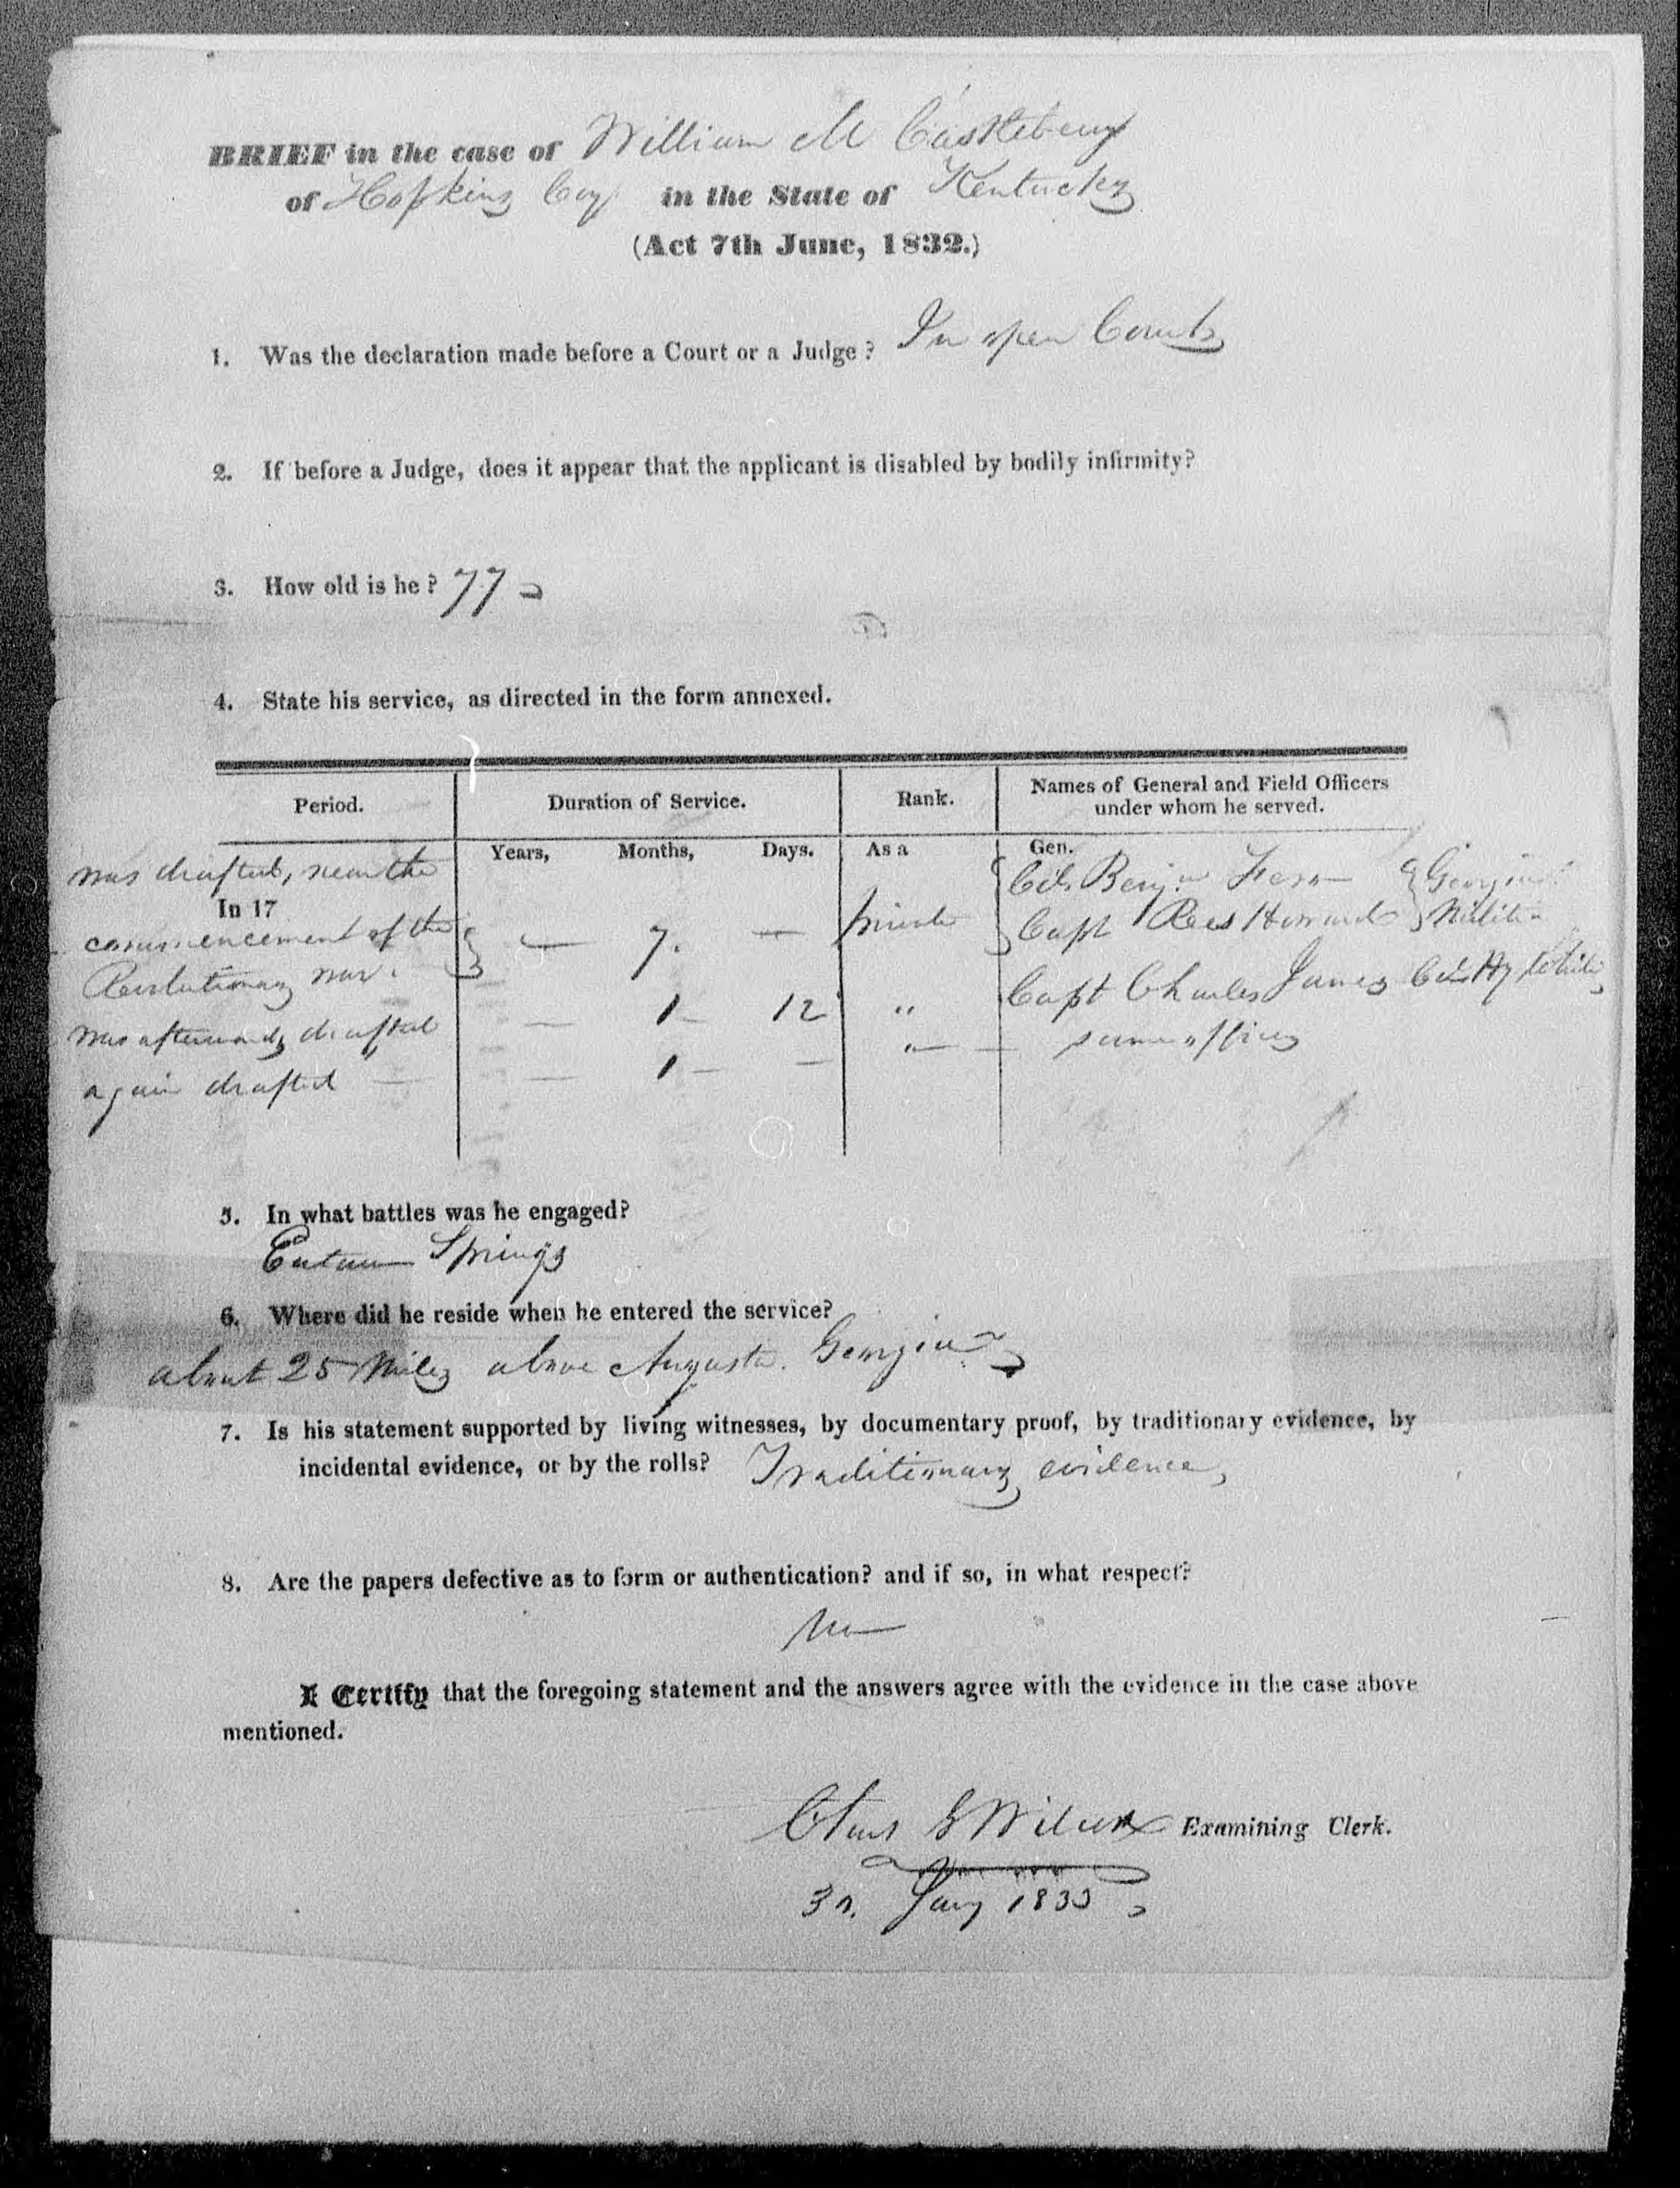BRIEF in the case of William M Castleberry
of Hopkins Co in the State of Kentucky
(Act 7th June, 1832.)

1. Was the declaration made before a Court or a Judge? In open Courts
2. If before a Judge, does it appear that the applicant is disabled by bodily infirmity?
3. How old is he:  77
4. State his service, as directed in the form annexed.
[Column 1]
Period.
In 17
Was drafted, near the 
commencement of the
Revolutionary War.  
Was afterwards drafted
again drafted 
[Column 2]
Duration of Service.
Years, Months, Days
    -         7           -
    -         1          12
    -         1           -
[Column 3]
Rank.
private
    "
    "
[Column 4]
Names of General and Field Officers under whom he served.
Col. Benj. Fero        } Georgia
Capt Rees Howard  } Militia
Capt Charles James Col Hy White
Same Officers
5. In what battles was he engaged? 
Eutaw Springs
6. Where did he reside when he entered the service? about 25 miles above Augusta, Georgia
7. Is his statement supported by living witnesses, by documentary proof, by traditionary evidence, by incidental evidence, or by the rolls? Traditionary evidence
8. Are the papers defective as to form or authentication? and if so, in what respect? No

I Certify that the foregoing statement and the answers agree with the evidence in the case above mentioned.
Chris G Wilcox Examining Clerk
3d Jan'y 1833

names: Benj Fero, Charles James, Rees Howard, Chris G Wilcox, William M Castleberry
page: 8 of 20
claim: survivor's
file: S. 16,337, William M Castleberry, Ga.